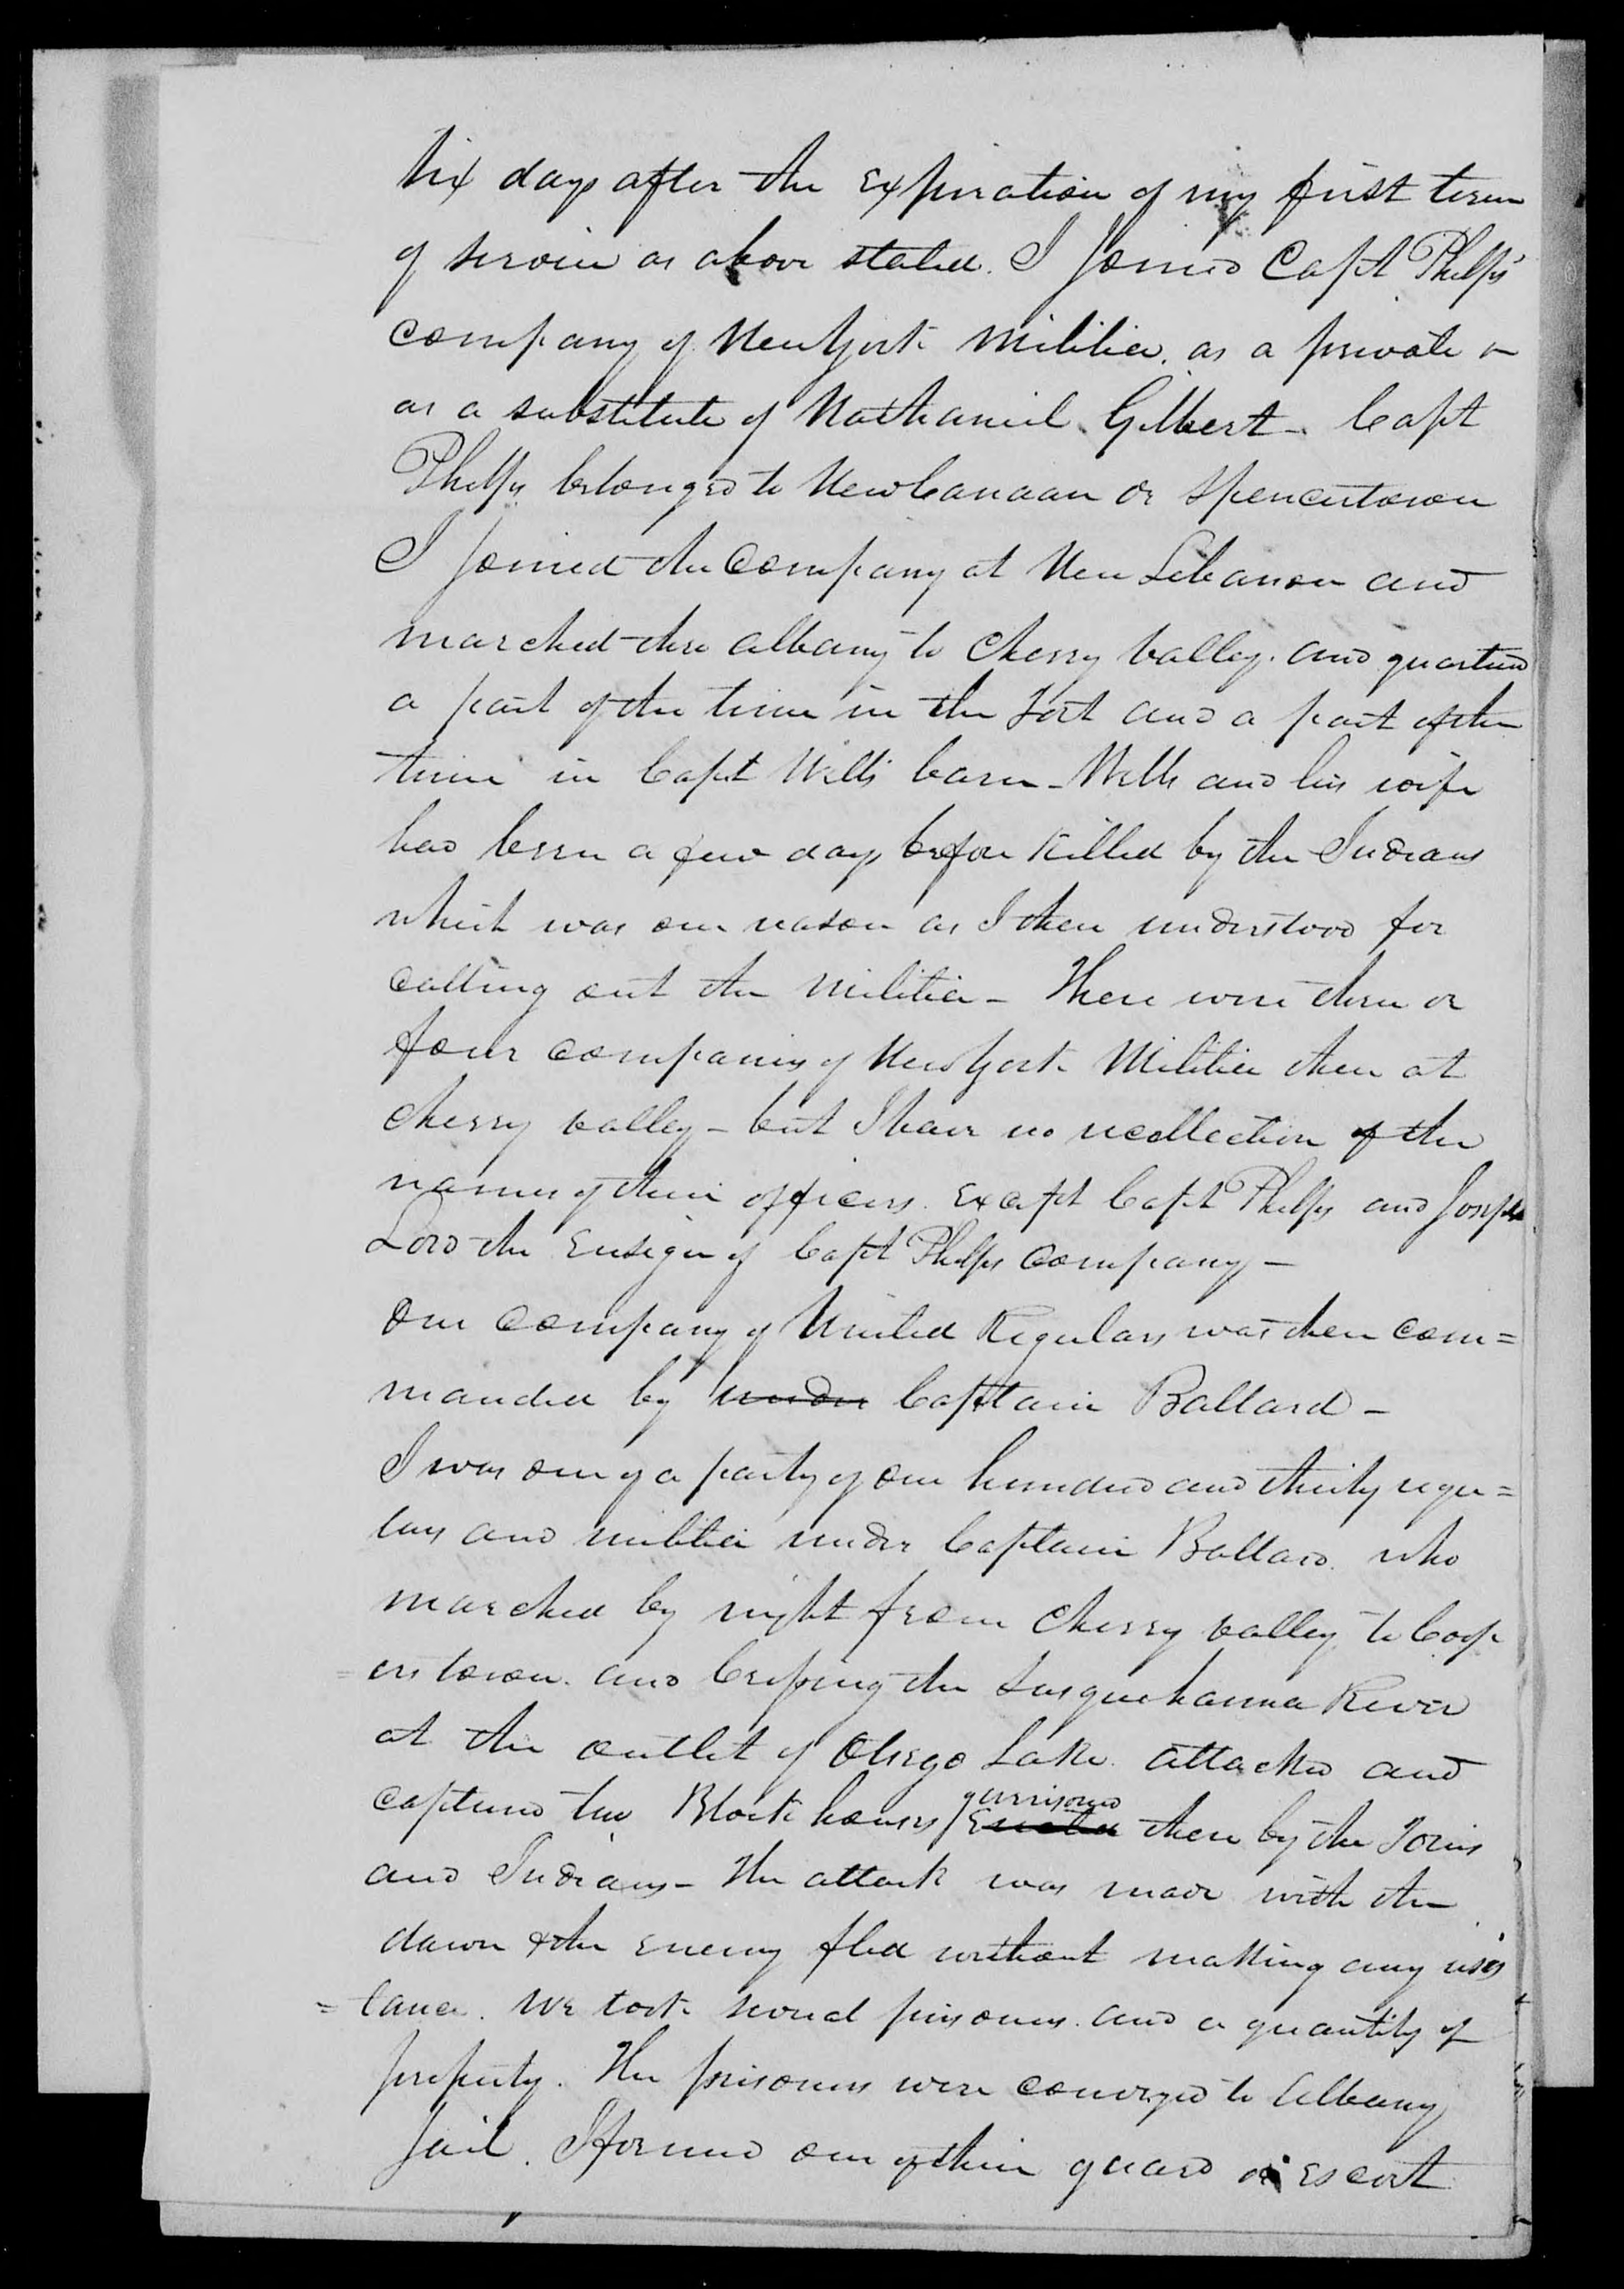Six days after the expiration of my first term
of service as above stated, I joined Capt Phelps'
company of New York Militia as a private or
as a substitute of Nathaniel Gilbert.   Capt
Phelps belonged to New Canaan or Spencertown.  I joined the company at New Lebanon and marched thru Albany to Cherry Valley, and quartered a part of the time in the Fort and a part of the time in Capt Wills' barn. Wills and his wife had been a few days before killed by the Indians, which was our reason as I then understood for calling out the militia- There were three four companies of New York Militia then at Cherry Valley-- but I have no recollection of the names of the officers except Capt Phelps and Joseph Lord the Ensign of Capt Phelps' Company. - Our company of United Regulars was then commanded by Captain Ballard.
I was one of a party of one hundred and thirty regulars and militia under Captain Ballard who
marched by night from Cherry Valley to Cooperstown, and crossing the Susquehanna River at the outlet of Otsego Lake.  Attacked and captured the Block houses garrisoned there by the Tories and Indians. The attack was made with the dawn & the enemy fled without making any resistance. We took several prisoners, and a quantity of property. The prisoners were conveyed to Albany Jail.  I formed one of their guard or escort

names: Nathaniel Gilbert; [BLANK] Wills; [BLANK] Phelps; [BLANK] Ballard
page: 5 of 23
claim: survivor's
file: S. 14,229, for Robert Pratt, New York